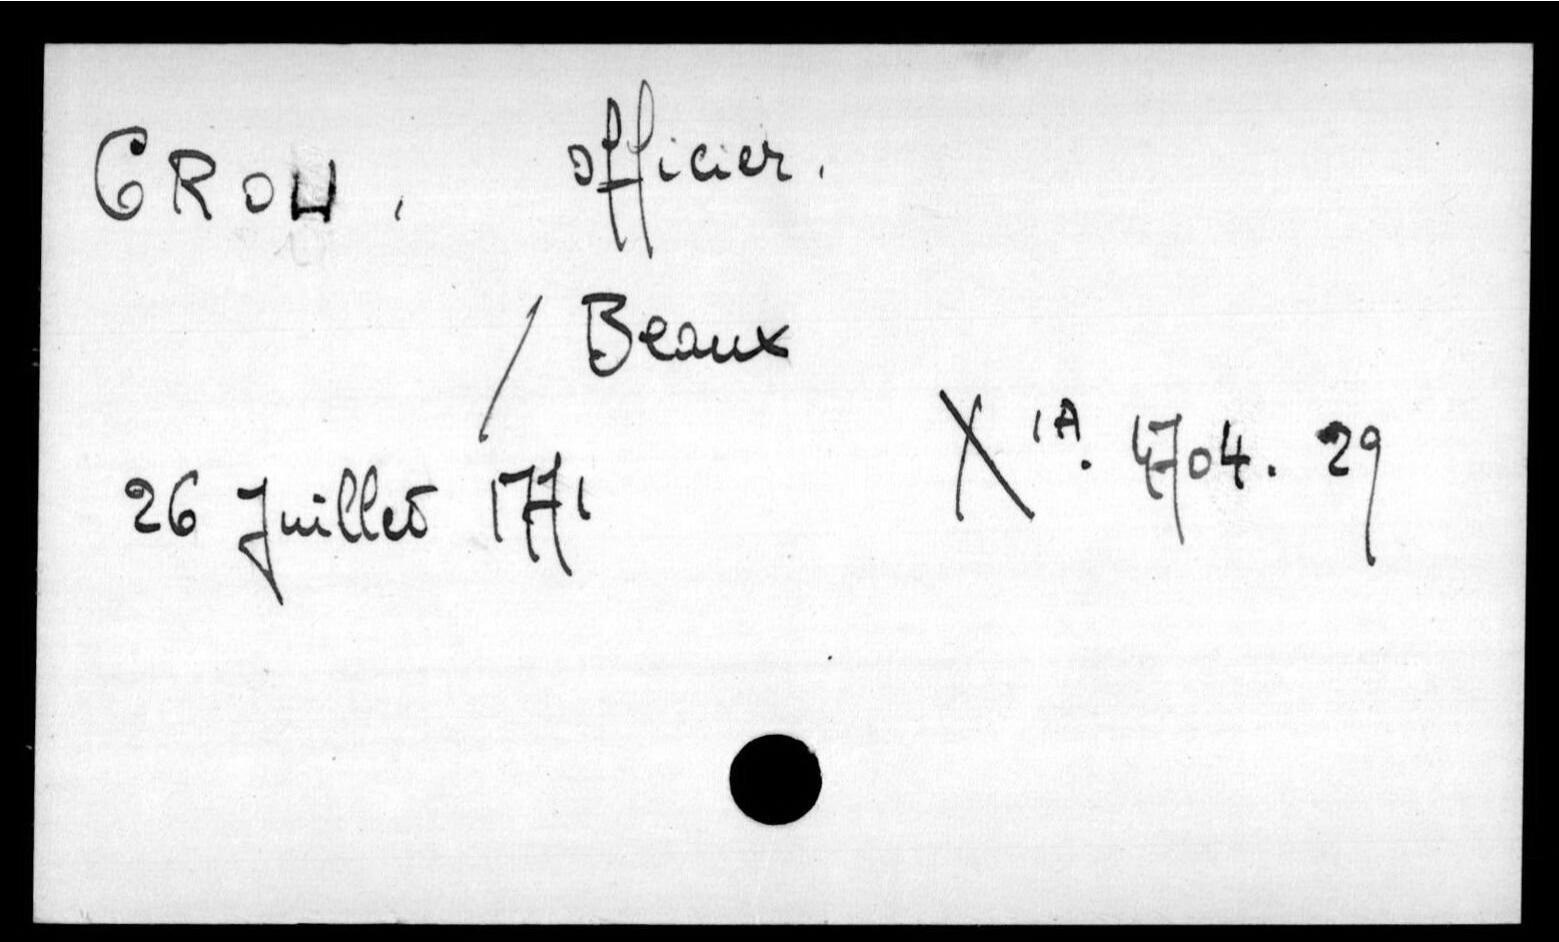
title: GROU, officier
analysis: Contre Beaux
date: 26 juillet 1771
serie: X1A
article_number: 4704
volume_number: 29
